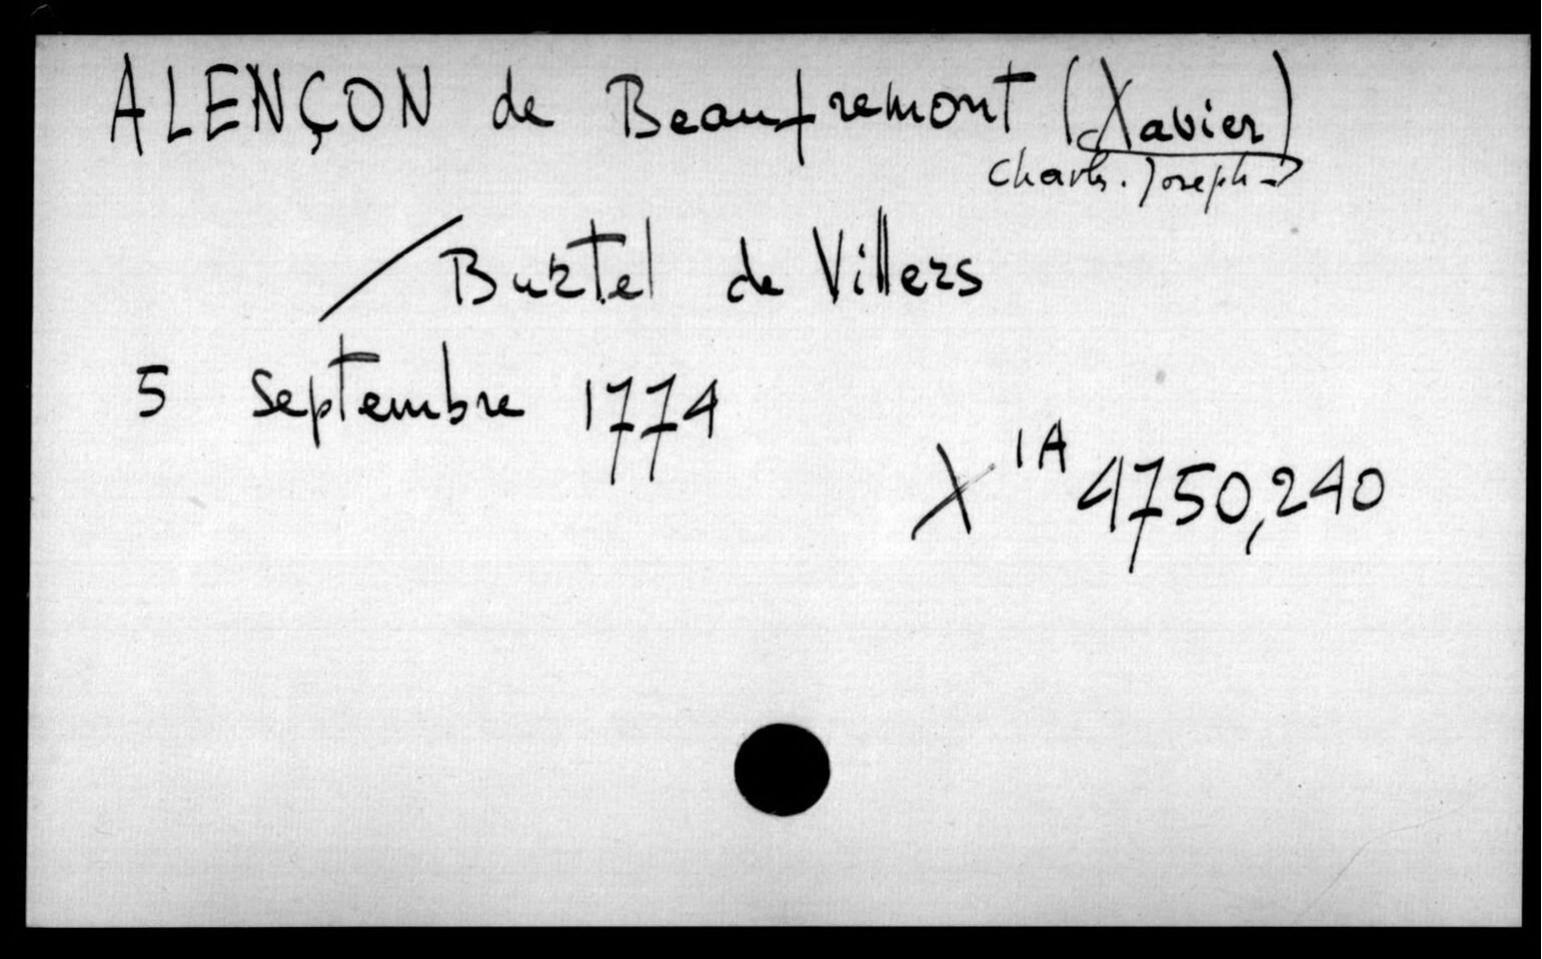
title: ALENÇON de Beaufremont (Charles-Joseph-Xavier)
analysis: contre Burtel de Vilers
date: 5 septembre 1774
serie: X1A
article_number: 4750
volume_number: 240
